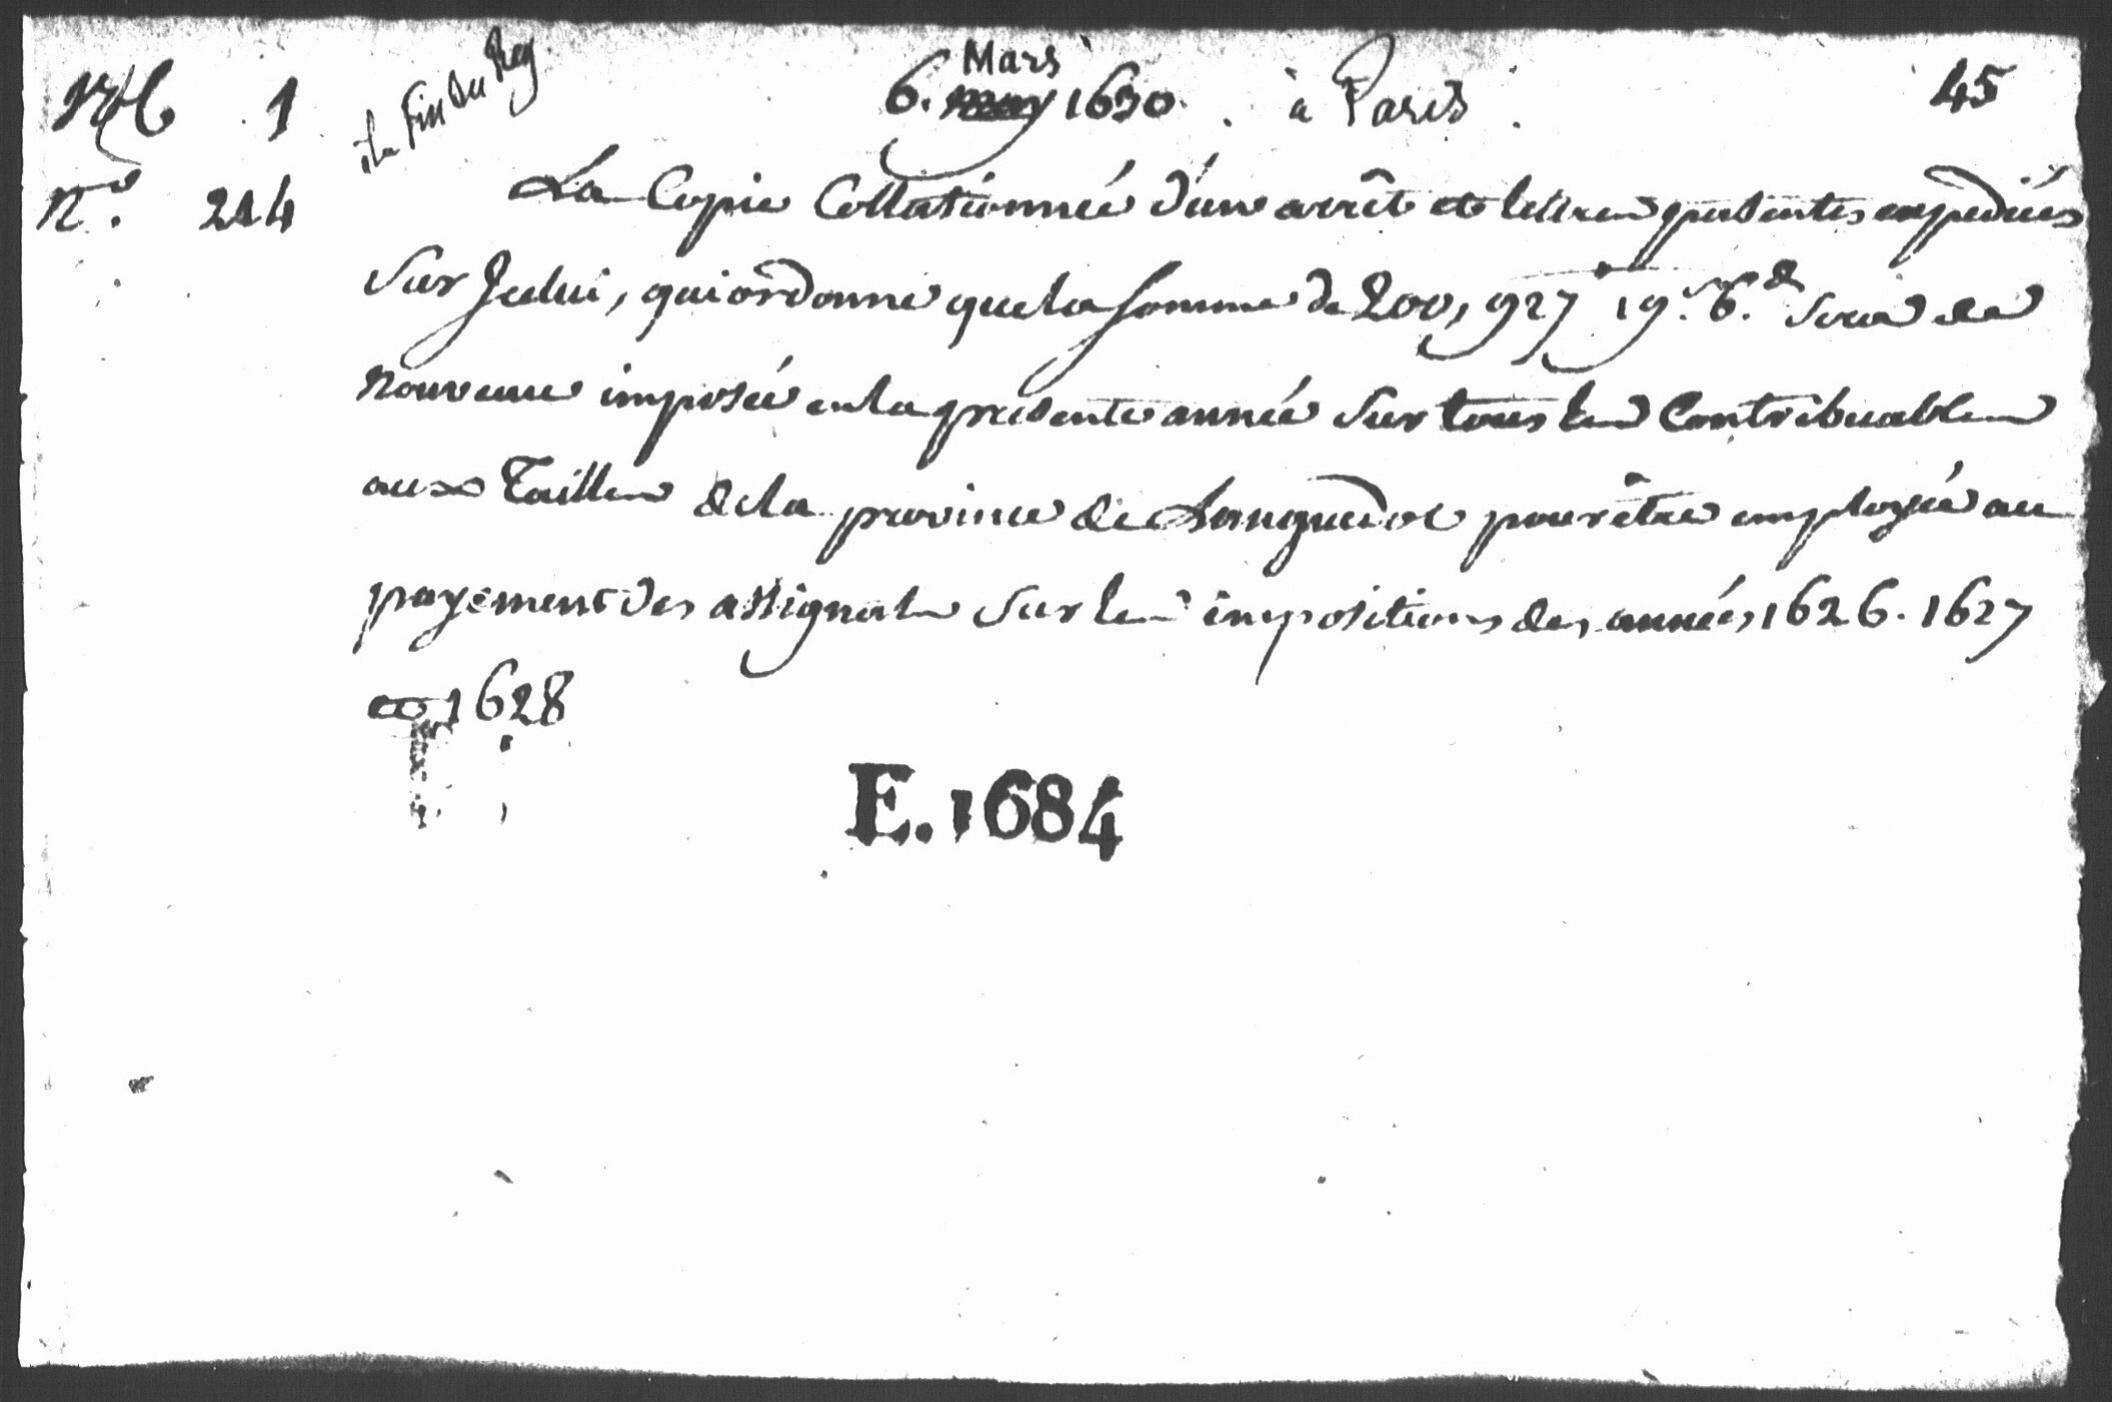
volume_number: n°214
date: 6 mars 1630
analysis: à Paris 45
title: La copie collationnée d'un arrêt et lettres patentes expédiées sur icelui, qui ordonne que la somme de 200, 927 # 19 s. 6 d. sera de nouveau imposée en la presente année sur tous les contribuables aux tailles de la province de Languedoc pour être employée au payement des assignats sur les impositions des années 1626, 1627 et 1628
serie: E
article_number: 1684
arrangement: vol 1 à la fin du reg
